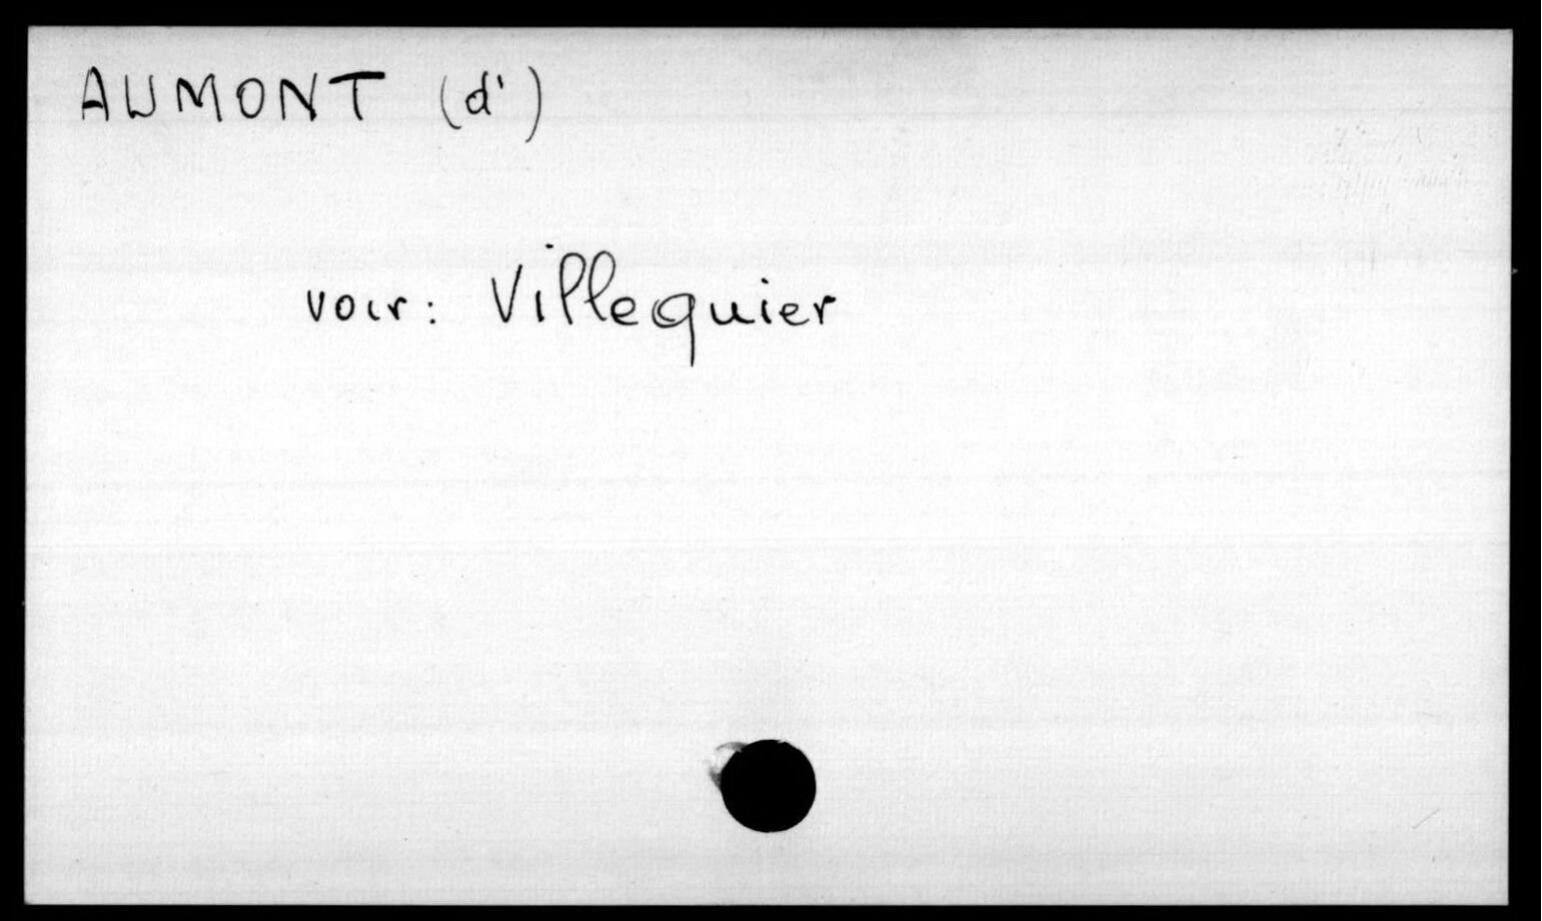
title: AUMONT (d')
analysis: Voir : Villequier
